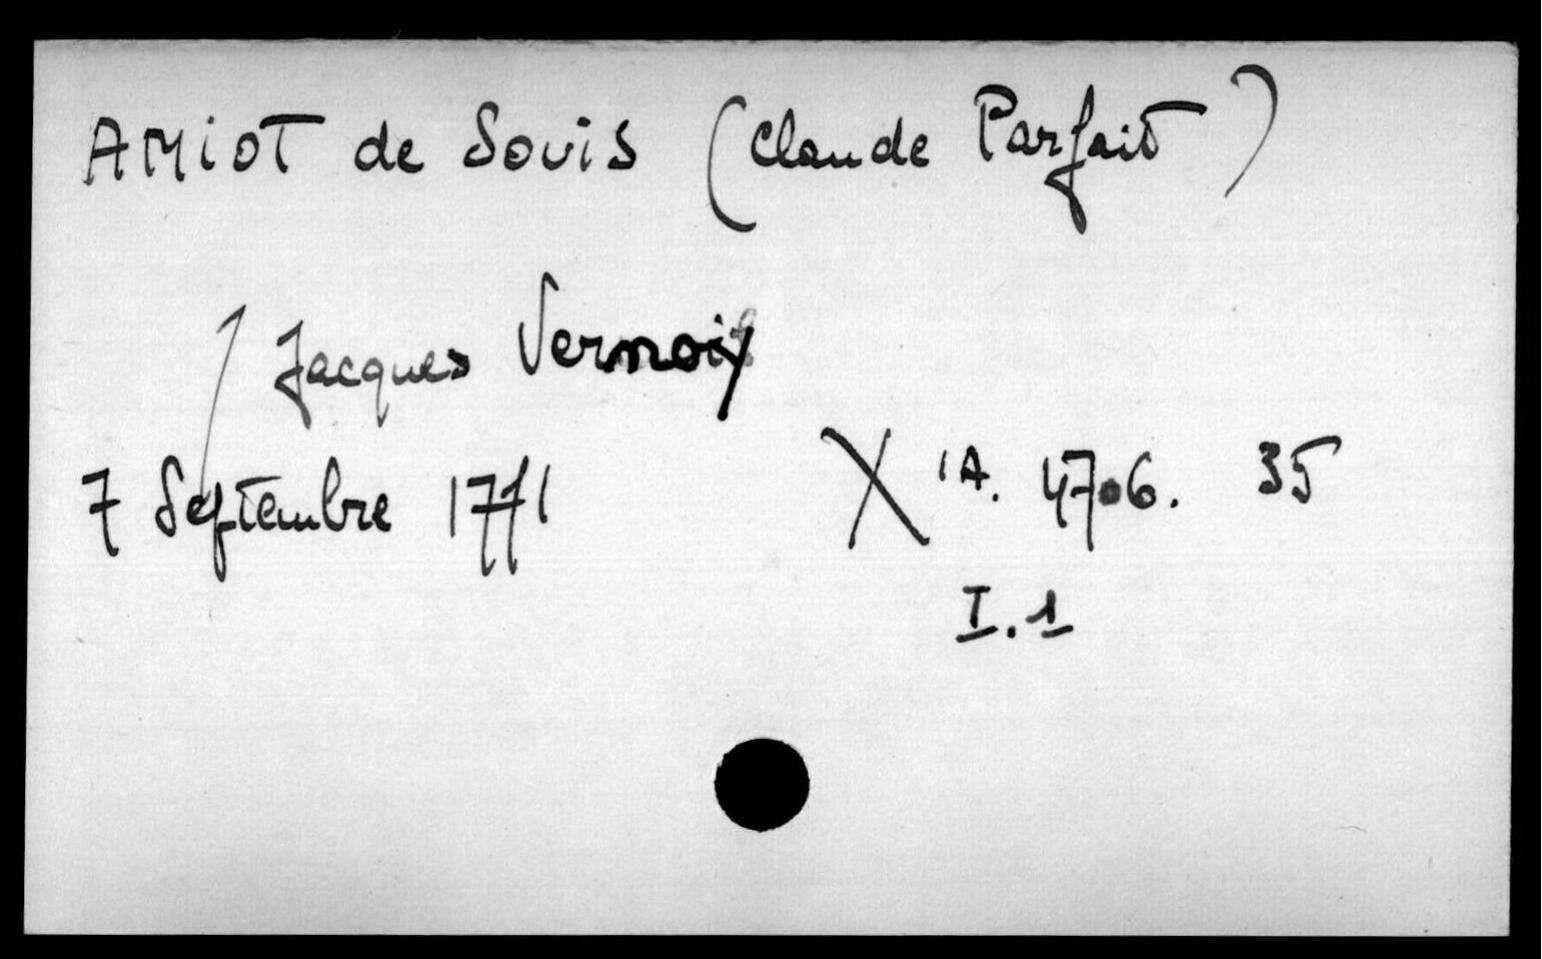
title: AMIOT de SOUIS (Claude Parfait)
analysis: Contre Jacques Vernoy
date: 7 septembre 1771
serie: X1A
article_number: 4706
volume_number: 35 Instances 1
